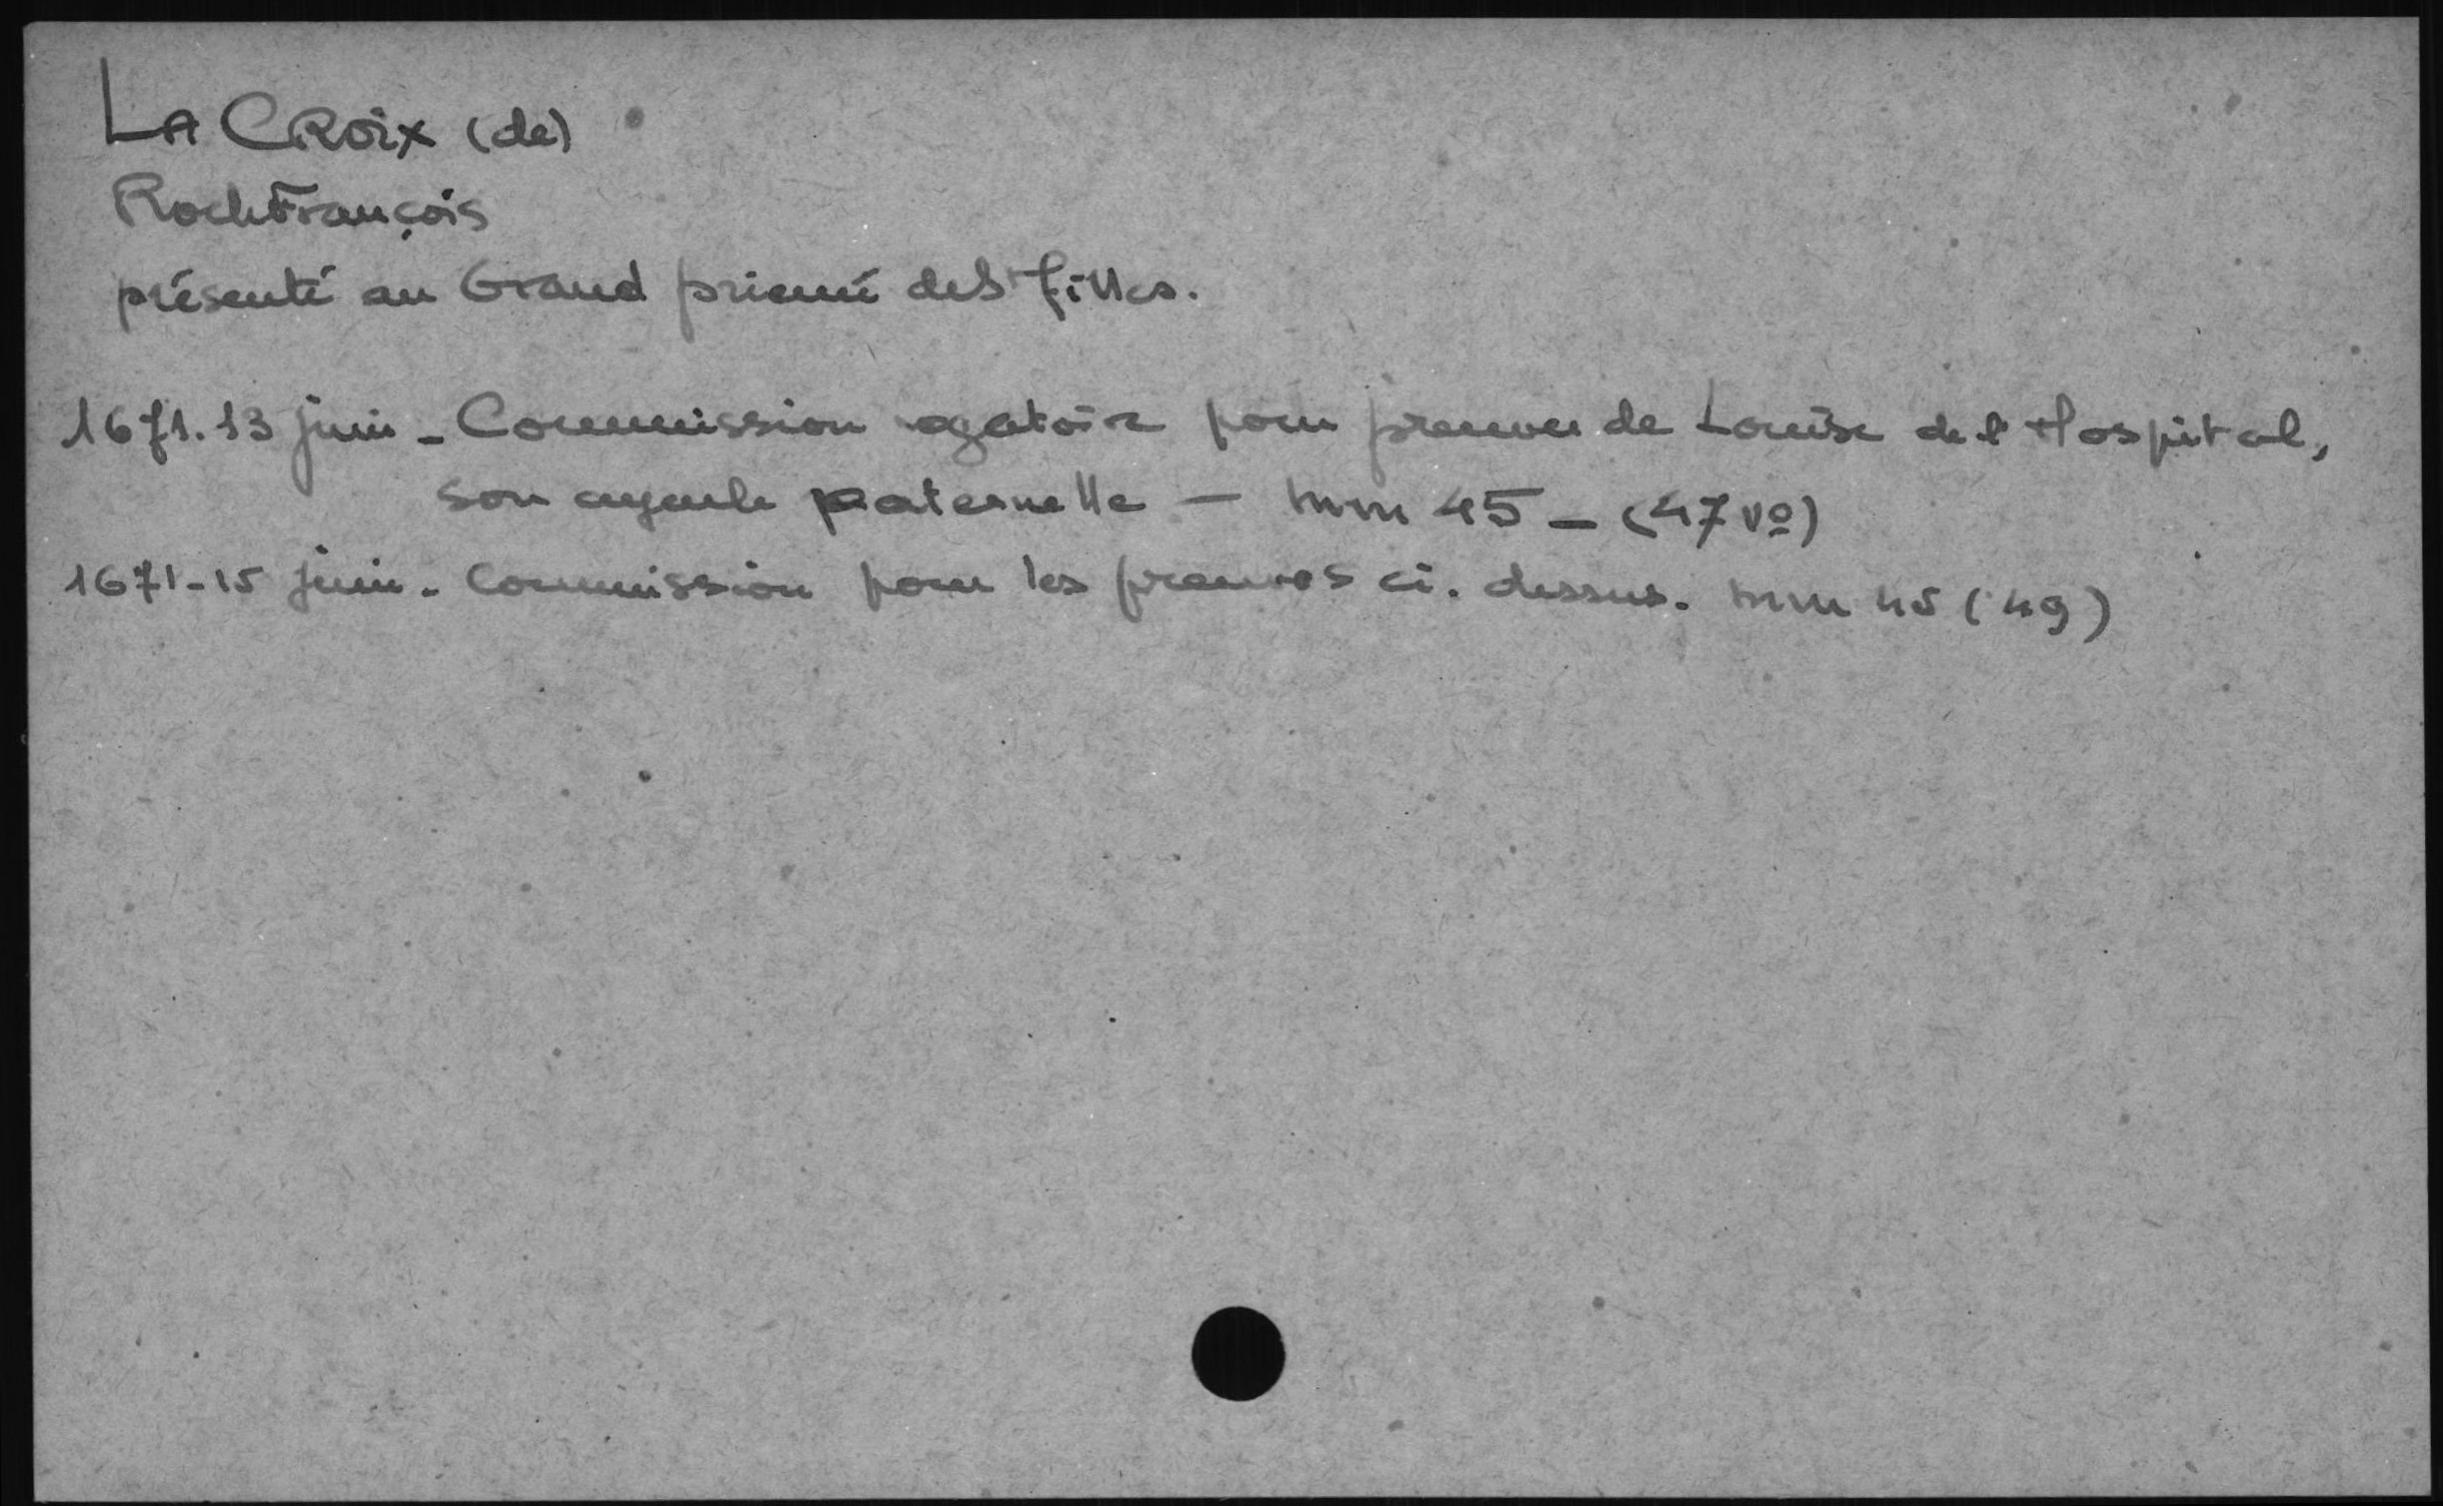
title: LA CROIX (de) Roch François présenté au Grand Prieuré de Saint Gilles
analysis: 1671, 13 juin. Commission rogatoire pour preuves de Louise de l'Hospital son ayeule paternelle. MM 45, (47v) 1671, 15 juin. Commission pour les preuves ci-dessus. MM 45 (49
